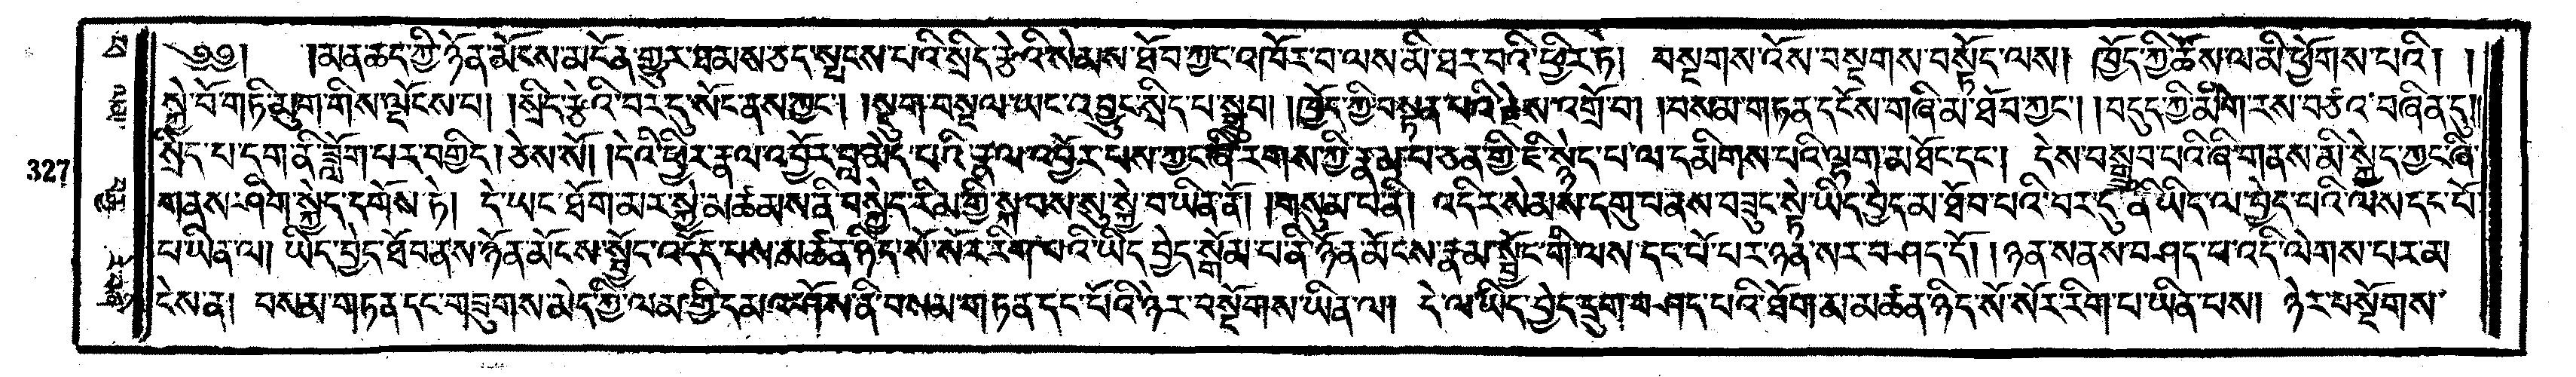༄༅། །མན་ཆད་ཀྱི་ཉོན་མོངས་མངོན་གྱུར་ཐམས་ཅད་སྤངས་པའི་སྲིད་རྩེའི་སེམས་ཐོབ་ཀྱང་འཁོར་བ་ལས་མི་ཐར་བའི་ཕྱིར་ཏེ། བསྔགས་འོས་བསྔགས་བསྟོད་ལས། ཁྱོད་ཀྱི་ཆོས་ལ་མི་ཕྱོགས་པའི།
སྐྱེ་བོ་གཏི་མུག་གིས་ལྡོངས་པ། །སྲིད་རྩེའི་བར་དུ་སོང་ནས་ཀྱང་། །སྡུག་བསྔལ་ཡང་འབྱུང་སྲིད་པ་སྒྲུབ། །ཁྱོད་ཀྱི་བསྟན་པའི་རྗེས་འགྲོ་བ། །བསམ་གཏན་དངོས་གཞི་མ་ཐོབ་ཀྱང་། །བདུད་ཀྱི་མིག་རས་བཙའ་བཞིན་དུ།
སྲིད་པ་དག་ནི་ཟློག་པར་བགྱིད། ཅེས་སོ། །དེའི་ཕྱིར་རྣལ་འབྱོར་བླ་མེད་པའི་རྣལ་འབྱོར་པས་ཀྱང་ཞི་རགས་ཀྱི་རྣམ་པ་ཅན་གྱི་ཇི་སྙེད་པ་ལ་དམིགས་པའི་ལྷག་མཐོང་དང་། དེས་བསྒྲུབ་པའི་ཞི་གནས་མི་སྐྱེད་ཀྱང་ཞི་
གནས་ཤིག་སྐྱེད་དགོས་ཏེ། དེ་ཡང་ཐོག་མར་སྐྱེ་མཚམས་ནི་བསྐྱེད་རིམ་གྱི་སྐབས་སུ་སྐྱེ་བ་ཡིན་ནོ། །གསུམ་པ་ནི། འདིར་སེམས་དགུ་པ་ནས་བཟུང་སྟེ་ཡིད་བྱེད་མ་ཐོབ་པའི་བར་དུ་ནི་ཡིད་ལ་བྱེད་པའི་ལས་དང་པོ་
པ་ཡིན་ལ། ཡིད་བྱེད་ཐོབ་ནས་ཉོན་མོངས་སྦྱོང་འདོད་པས་མཚན་ཉིད་སོ་སོར་རིག་པའི་ཡིད་བྱེད་སྒོམ་པ་ནི་ཉོན་མོངས་རྣམ་སྦྱོང་གི་ལས་དང་པོ་པར་ཉན་སར་བཤད་དོ། །ཉན་ས་ནས་བཤད་པ་འདི་ལེགས་པར་མ་
ངེས་ན། བསམ་གཏན་དང་གཟུགས་མེད་ཀྱི་ལམ་གྱི་དམའ་ཤོས་ནི་བསམ་གཏན་དང་པོའི་ཉེར་བསྔོགས་ཡིན་ལ། དེ་ལ་ཡིད་བྱེད་དྲུག་བཤད་པའི་ཐོག་མ་མཚན་ཉིད་སོ་སོར་རིག་པ་ཡིན་པས། ཉེར་པ་སྔོགས་